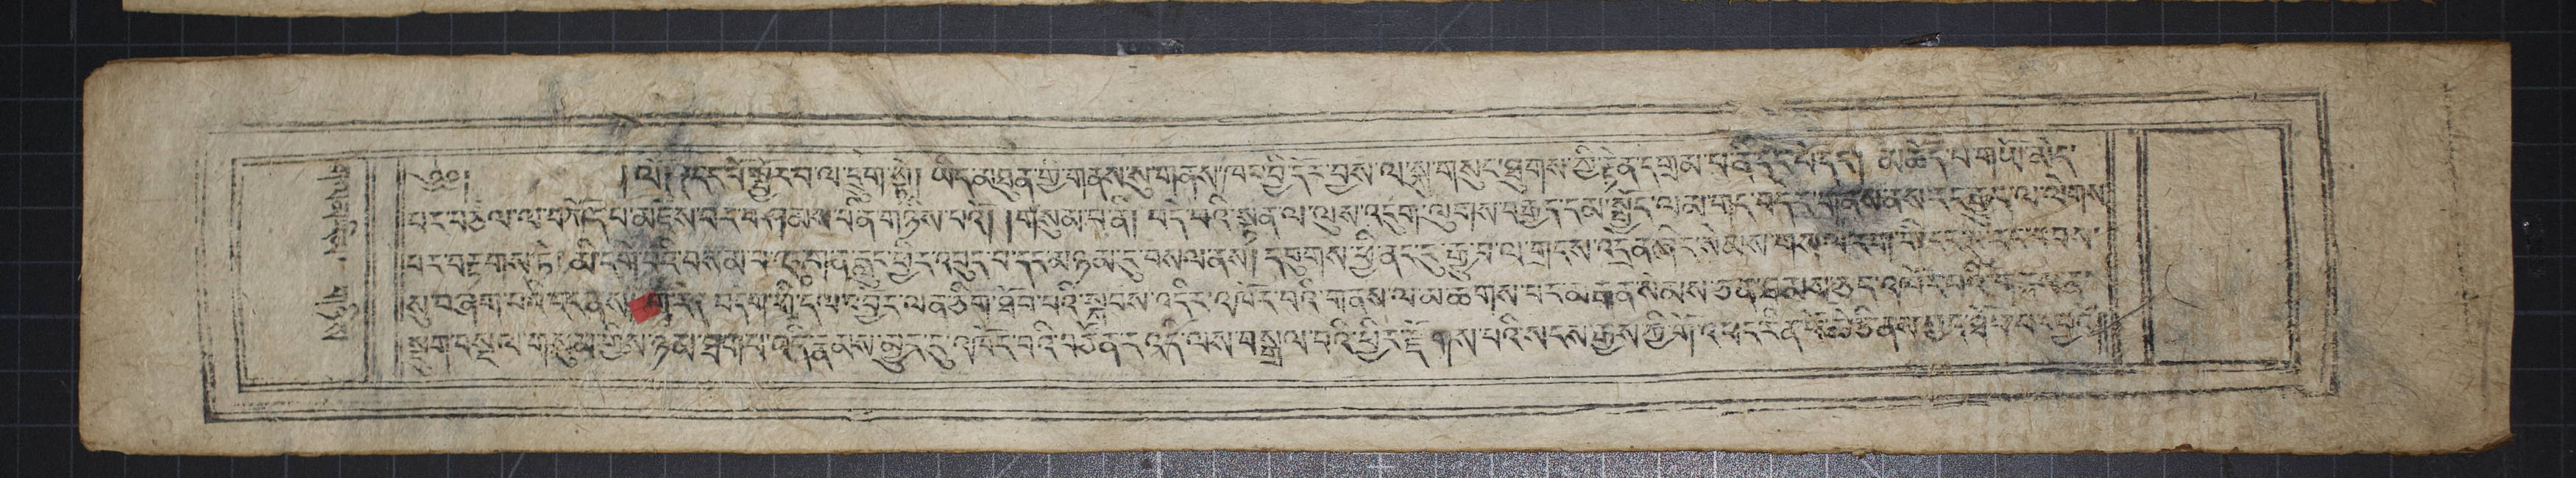༄༅། །ལོ། །དང་པོ་སྦྱོར་བ་ལ་དྲུག་སྟེ། ཡིད་མཐུན་གྱི་གནས་སུ་གནས་ཁང་བྱི་དོར་བྱས་ལ་སྐུ་གསུང་ཐུགས་ཀྱི་རྟེན་དགྲམ་པ་ནི་དང་པོ་དང་། མཆོད་པ་གཡོ་མེད་
པར་བཙལ་ལ་བཀོད་པ་མཛེས་པར་བཤམས་པ་ནི་གཉིས་པའོ། །གསུམ་པ་ནི། བདེ་བའི་སྟན་ལ་ལུས་འདུག་ལུགས་བརྒྱད་དམ་སྤྱོད་ལམ་གང་བདེར་གནས་ནས་རང་རྒྱུད་ལ་ལེགས་
པར་བརྟགས་ཏེ། མི་དགེ་བའི་བསམ་པ་འདུག་ན་རླུང་ཕྱིར་འབུད་པ་དང་མཉམ་དུ་བསལ་ནས། དབུགས་ཕྱི་ནང་དུ་རྒུ་བ་ལ་གྲངས་འདྲེན་ཞིང་སེམས་གསལ་རག་གི་ངང་དུ་རང་བབས་
སུ་བཞག་པའི་ངང་ནས། ག་རེ། བདག་གི་དལ་འབྱོར་ལན་ཅིག་ཐོབ་པའི་སྐབས་འདིར་འཁོར་བའི་གནས་ལ་མ་ཆགས་པར་མ་རྒན་སེམས་ཅན་ཐམས་ཅད་འཁོར་བའི་གནས་ན་
སྡུག་བསྔལ་གསུམ་གྱིས་ཉམ་ཐག་པ་འདི་རྣམས་མྱུར་དུ་འཁོར་བའི་བཙོན་ར་འདི་ལས་བསྒྲལ་བའི་ཕྱིར་རྫོགས་པའི་སངས་རྒྱས་ཀྱི་གོ་འཕང་རིན་པོ་ཆེ་ཅི་ནས་ཀྱང་ཐོབ་པར་བྱའོ། །